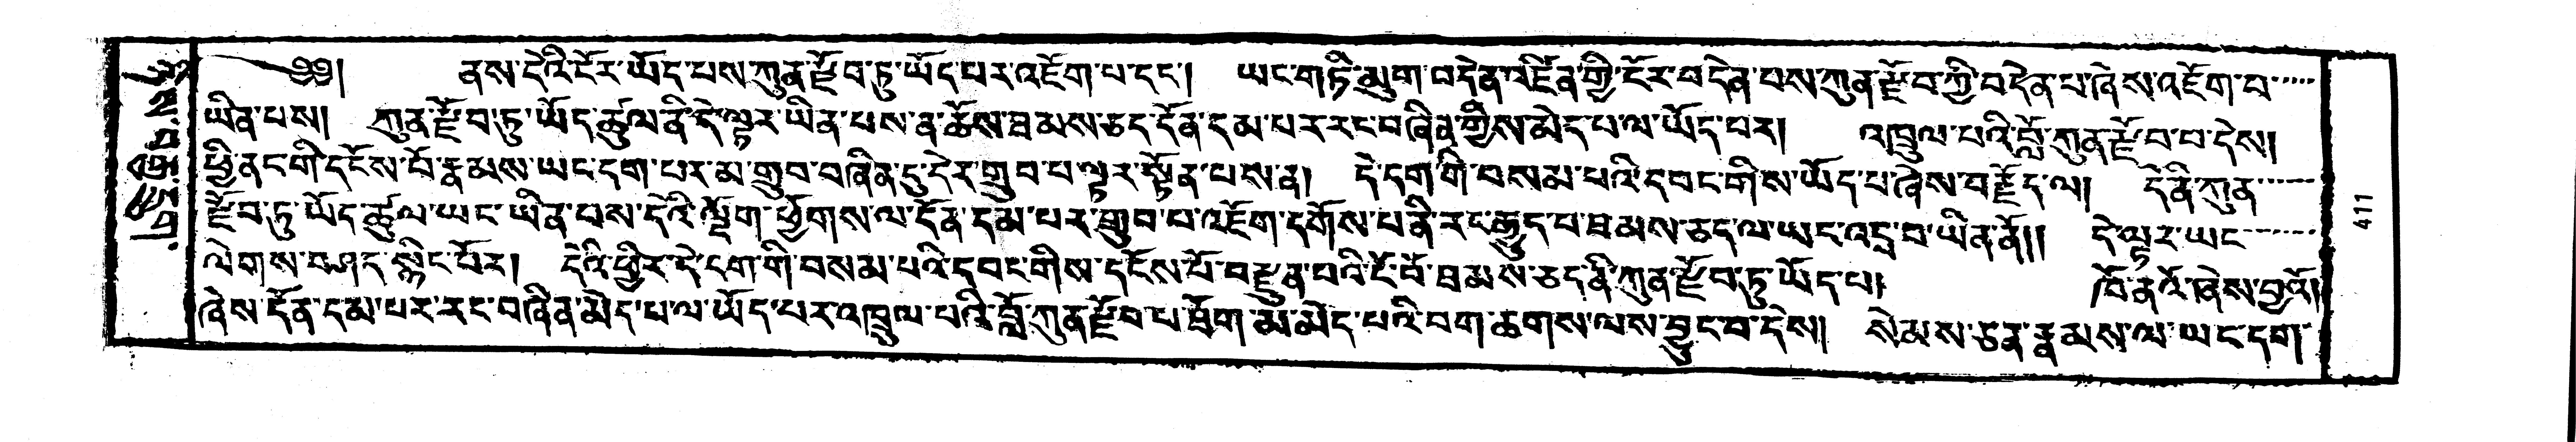༄༅། །ནས་དེའི་ངོར་ཡོད་པས་ཀུན་རྫོབ་ཏུ་ཡོད་པར་འཇོག་པ་དང་། ཡང་གཏི་མུག་བདེན་འཛིན་གྱི་ངོར་བདེན་པས་ཀུན་རྫོབ་ཀྱི་བདེན་པ་ཞེས་འཇོག་པ་
ཡིན་པས། ཀུན་རྫོབ་ཏུ་ཡོད་ཚུལ་ནི་དེ་ལྟར་ཡིན་པས་ན་ཆོས་ཐམས་ཅད་དོན་དམ་པར་རང་བཞིན་གྱིས་མེད་པ་ལ་ཡོད་པར། འཁྲུལ་པའི་བློ་ཀུན་རྫོབ་པ་དེས།
ཕྱི་ནང་གི་དངོས་པོ་རྣམས་ཡང་དག་པར་མ་གྲུབ་བཞིན་དུ་དེར་གྲུབ་པ་ལྟར་སྟོན་པས་ན། དེ་དག་གི་བསམ་པའི་དབང་གིས་ཡོད་པ་ཞེས་བརྗོད་ལ། དེ་ནི་ཀུན་
རྫོབ་ཏུ་ཡོད་ཚུལ་ཡང་ཡིན་པས་དེའི་ལྡོག་ཕྱོགས་ལ་དོན་དམ་པར་གྲུབ་པ་འཇོག་དགོས་པ་ནི་རང་རྒྱུད་པ་ཐམས་ཅད་ལ་ཡང་འདྲ་བ་ཡིན་ནོ། །དེ་ལྟར་ཡང་
ལེགས་བཤད་སྙིང་པོར། དེའི་ཕྱིར་དེ་དག་གི་བསམ་པའི་དབང་གིས་དངོས་པོ་བརྫུན་པའི་ངོ་བོ་ཐམས་ཅད་ནི་ཀུན་རྫོབ་ཏུ་ཡོད་པ། ཁོ་ནའོ་ཞེས་བྱའོ།
ཞེས་དོན་དམ་པར་རང་བཞིན་མེད་པ་ལ་ཡོད་པར་འཁྲུལ་པའི་བློ་ཀུན་རྫོབ་པ་ཐོག་མ་མེད་པའི་བག་ཆགས་ལས་བྱུང་བ་དེས། སེམས་ཅན་རྣམས་ལ་ཡང་དག་